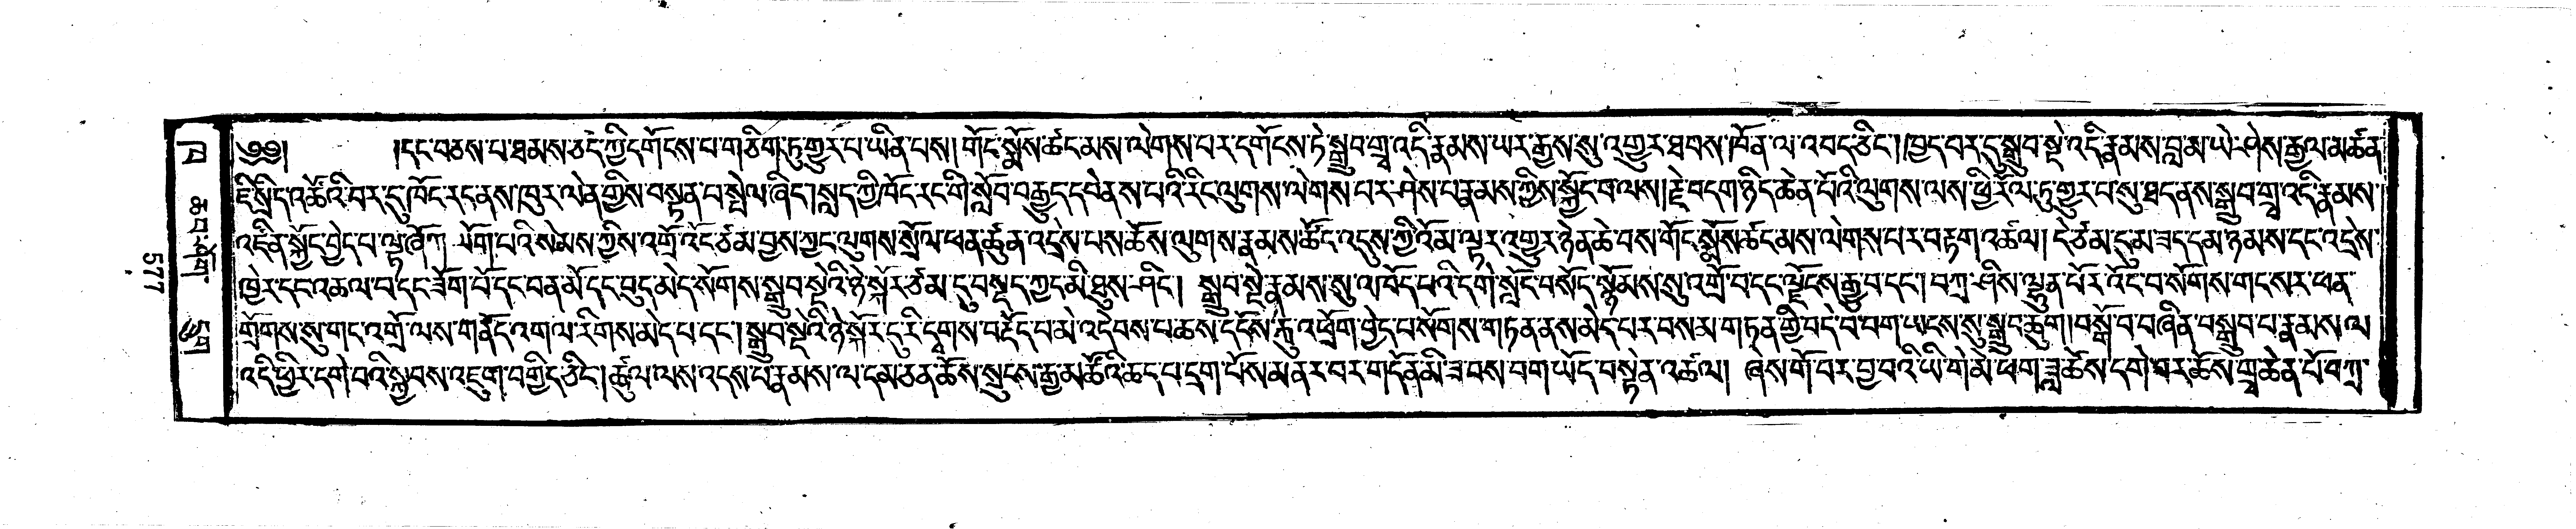༄༅། །དང་བཅས་པ་ཐམས་ཅད་ཀྱི་དགོངས་པ་གཅིག་ཏུ་གྱུར་པ་ཡིན་པས། གོང་སྨོས་ཚང་མས་ལེགས་པར་དགོངས་ཏེ་སྒྲུབ་གྲྭ་འདི་རྣམས་ཡར་རྒྱས་སུ་འགྱུར་ཐབས་ཁོ་ན་ལ་འབད་ཅིང་། ཁྱད་བར་དུ་སྒྲུབ་སྡེ་འདི་རྣམས་བླ་མ་ཡེ་ཤེས་རྒྱལ་མཚན་
ཇི་སྲིད་འཚོའི་བར་དུ་ཁོང་རང་ནས་ཁུར་ལེན་གྱིས་བསྟན་པ་སྤེལ་ཞིང་། སླད་ཀྱི་ཁོང་རང་གི་སློབ་བརྒྱུད་དབེན་ས་པའི་རིང་ལུགས་ལེགས་པར་ཤེས་པ་རྣམས་ཀྱིས་སྐྱོང་བ་ལས། རྗེ་བདག་ཉིད་ཆེན་པོའི་ལུགས་ལས་ཕྱི་རོལ་ཏུ་གྱུར་པ་སུ་ཐད་ནས་སྒྲུབ་གྲྭ་འདི་རྣམས་
འཛིན་སྐྱོང་བྱེད་པ་ལྟ་ཞོག་ལོག་པའི་སེམས་ཀྱིས་འགྲོ་འོད་ཙམ་བྱས་ཀྱང་ལུགས་སྲོལ་ཕན་ཚུན་འདྲེས་པས་ཆོས་ལུགས་རྣམས་ཚོང་འདུས་ཀྱི་འོ་མ་ལྟར་འགྱུར་ཉེན་ཆེ་བས་གོང་སྨོས་ཚང་མས་ལེགས་པར་བརྟག་འཚལ། དེ་ཙམ་དུ་མ་ཟད་དམ་ཉམས་དང་འདྲེས་
ཁྱེར་དང་འཆལ་བ་དང་ཟོག་པོ་དང་བན་མོ་དང་བུད་མེད་སོགས་སྒྲུབ་སྡེའི་ཉེ་སྐོར་ཙམ་དུ་བསྡད་ཀྱང་མི་ཐུས་ཤིང་། སྒྲུབ་སྡེ་རྣམས་སུ་འཁོད་པའི་དགེ་སློང་བསོད་སྙོམས་སུ་འགྲོ་བ་དང་ལྗོངས་རྒྱུ་བ་དང་། བཀྲ་ཤིས་ལྷུན་པོར་འོང་བ་སོགས་གང་སར་ཕན་
གྲོགས་སུ་གང་འགྲོ་ལས་གནོད་འགལ་རིགས་མེད་པ་དང་། སྒྲུབ་སྡེའི་ཉེ་སྐོར་དུ་རི་དྭགས་བརྡོད་པ་མེ་འདེབས་པ་ཆས་དངོས་རྐུ་འཕྲོག་བྱེད་པ་སོགས་གཏན་ནས་མེད་པར་བསམ་གཏན་གྱི་བདེ་བ་བག་ཡངས་སུ་སྒྲུབ་ཆུག། བསྒོ་བ་བཞིན་བསྒྲུབ་པ་རྣམས་ལ་
འདི་ཕྱིར་དགེ་བའི་སྐྱབས་འཇུག་བགྱིད་ཅིང་། ཚུལ་ལས་འདས་པ་རྣམས་ལ་དམ་ཅན་ཆོས་སྲུངས་རྒྱ་མཚོའི་ཆད་བ་དྲག་པོས་མནར་བར་གདོན་མི་ཟ་བས་བག་ཡོད་བསྟེན་འཚལ། ཞེས་གོ་བར་བྱ་བའི་ཡི་གེ་མེ་ཕག་ཟླ་ཚེས་དགེ་བར་ཆོས་གྲྭ་ཆེན་པོ་བཀྲ་